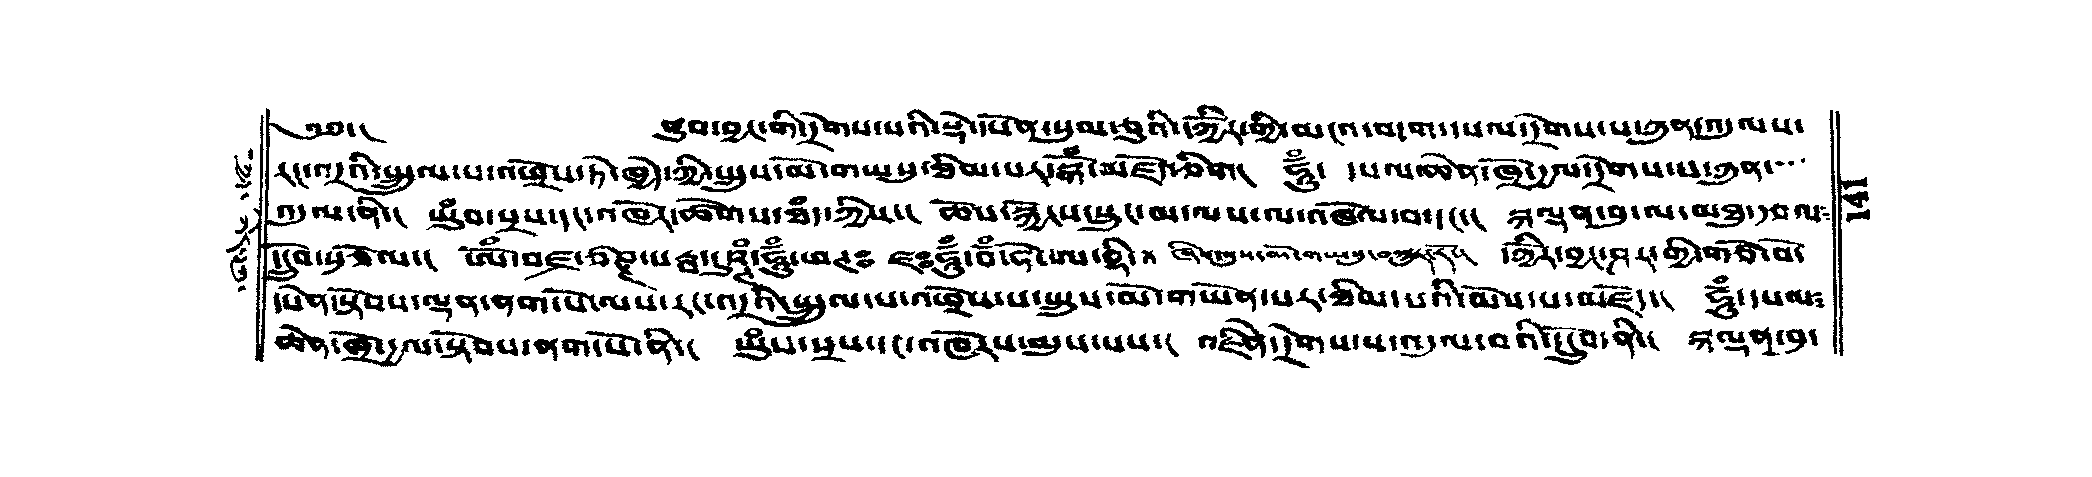ནུབ་བྱང་གི་དྲེགས་པའི་སྡེ་དཔོན་སུམ་ཅུའི་དཀྱིལ་འཁོར་གྱི་མངའ་བག་དཔལ་དྲེགས་པ་ཀུན་འདུལ་ལས་
རང་འདྲའི་སྤྲུལ་པ་འཕྲོས་ཏེ་ཁྱེད་ཀྱི་སྤྲུས་མོ་གཡས་སུ་ཐིམ་པར་སྒོམ་མཛོད་ཅིག ཧཱུྃ། དཔལ་ཆེན་ཁྲོ་རྒྱལ་དྲེགས་པས་ཀུན་
འདུལ་ནི། ཡབ་ཡུམ་སྲས་དང་འཁོར་ཚོགས་ཐམས་ཅད་ཀྱིས། ཆོས་སྐྱོངས་སྲུང་མ་ལས་ལ་འཁོལ་བ་དང་། སྐལ་ལྡན་བུ་ལ་མཐུ་རྩལ་
དངོས་གྲུབ་སྩོལ། ཨོཾ་བཛྲ་ཙཎྜ་སརྦ་དུཥྚཾ་ཧཱུྃ་ཕཊཿཛཿཧཱུྃ་ཧོ་ཨ་བྷི༴ ཞེས་སུས་མོ་གཡས་སུ་བསྐུར་རོ། དཀྱིལ་འཁོར་བྱང་ཤར་གྱི་གཙོ་བོ་
དཔེན་སྟོབས་ལྡན་ནག་པོ་ལས་རང་འདྲའི་སྤྲུལ་པ་འཕྲོས་པ་སྤྲུས་མོ་གཡོན་པར་ཐིམ་པའི་མོས་པ་མཛོད། ཧཱུྃ་དཔལ་
ཆེན་ཁྲོ་རྒྱལ་སྟུབ་ནག་པོ་ནི། ཡབ་ཡུམ་སྲས་དང་འཁོར་བཅས་མུས་པས། འཇིག་རྟེན་དྲེགས་པ་འདུལ་བའི་དངོས་གྲུབ་ནི། སྐལ་ལྡན་བུ་